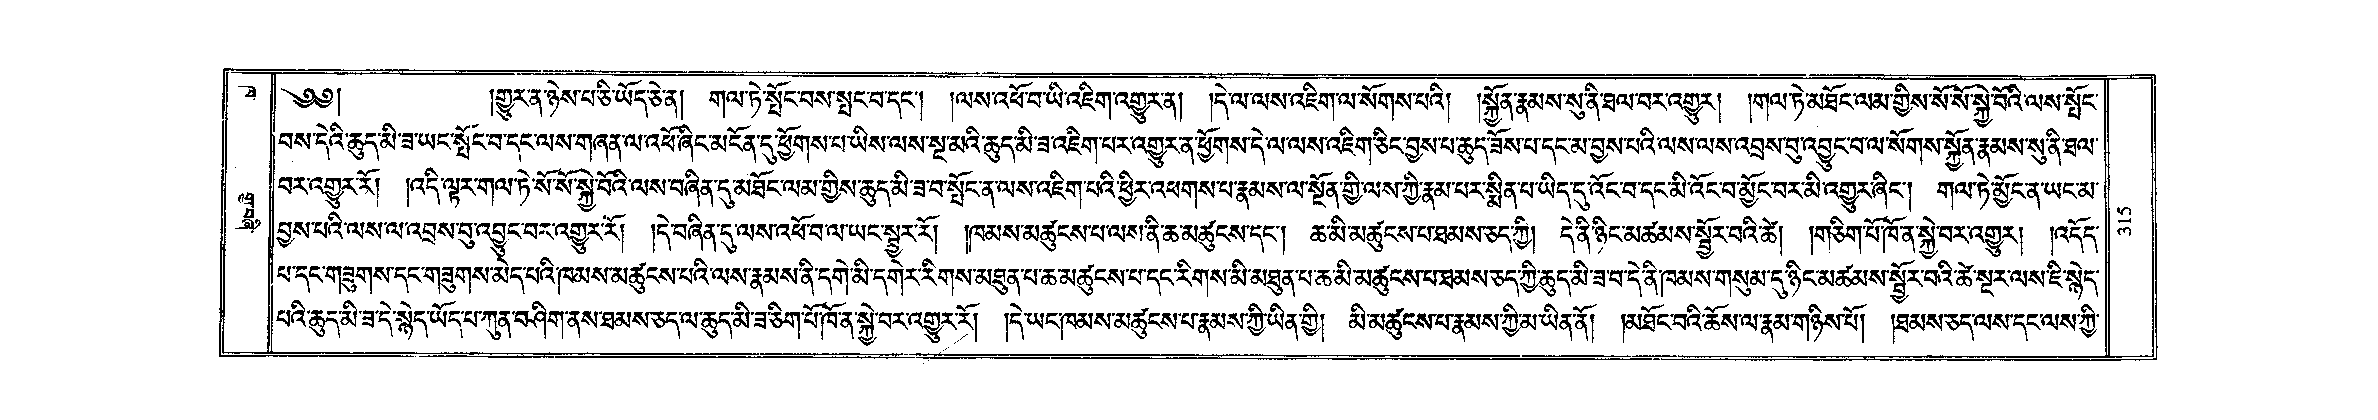༄༅། །གྱུར་ན་ཉེས་པ་ཅི་ཡོད་ཅེ་ན། གལ་ཏེ་སྤོང་བས་སྤང་བ་དང་། །ལས་འཕོ་བ་ཡི་འཇིག་འགྱུར་ན། །དེ་ལ་ལས་འཇིག་ལ་སོགས་པའི། །སྐྱོན་རྣམས་སུ་ནི་ཐལ་བར་འགྱུར། །གལ་ཏེ་མཐོང་ལམ་གྱིས་སོ་སོ་སྐྱེ་བོའི་ལས་སྤོང་
བས་དེའི་ཆུད་མི་ཟ་ཡང་སྤོང་བ་དང་ལས་གཞན་ལ་འཕོ་ཞིང་མངོན་དུ་ཕྱོགས་པ་ཡིས་ལས་སྔ་མའི་ཆུད་མི་ཟ་འཇིག་པར་འགྱུར་ན་ཕྱོགས་དེ་ལ་ལས་འཇིག་ཅིང་བྱས་པ་ཆུད་ཟོས་པ་དང་མ་བྱས་པའི་ལས་ལས་འབྲས་བུ་འབྱུང་བ་ལ་སོགས་སྐྱོན་རྣམས་སུ་ནི་ཐལ་
བར་འགྱུར་རོ། །འདི་ལྟར་གལ་ཏེ་སོ་སོ་སྐྱེ་བོའི་ལས་བཞིན་དུ་མཐོང་ལམ་གྱིས་ཆུད་མི་ཟ་བ་སྤོང་ན་ལས་འཇིག་པའི་ཕྱིར་འཕགས་པ་རྣམས་ལ་སྔོན་གྱི་ལས་ཀྱི་རྣམ་པར་སྨིན་པ་ཡིད་དུ་འོང་བ་དང་མི་འོང་བ་མྱོང་བར་མི་འགྱུར་ཞིང་། གལ་ཏེ་མྱོང་ན་ཡང་མ་
བྱས་པའི་ལས་ལ་འབྲས་བུ་འབྱུང་བར་འགྱུར་རོ། །དེ་བཞིན་དུ་ལས་འཕོ་བ་ལ་ཡང་སྦྱར་རོ། །ཁམས་མཚུངས་པ་ལས་ནི་ཆ་མཚུངས་དང་། ཆ་མི་མཚུངས་པ་ཐམས་ཅད་ཀྱི། དེ་ནི་ཉིང་མཚམས་སྦྱོར་བའི་ཚེ། །གཅིག་པོ་ཁོ་ན་སྐྱེ་བར་འགྱུར། །འདོད་
པ་དང་གཟུགས་དང་གཟུགས་མེད་པའི་ཁམས་མཚུངས་པའི་ལས་རྣམས་ནི་དགེ་མི་དགེར་རིགས་མཐུན་པ་ཆ་མཚུངས་པ་དང་རིགས་མི་མཐུན་པ་ཆ་མི་མཚུངས་པ་ཐམས་ཅད་ཀྱི་ཆུད་མི་ཟ་བ་དེ་ནི་ཁམས་གསུམ་དུ་ཉིང་མཚམས་སྦྱོར་བའི་ཚེ་སྔར་ལས་ཇི་སྙེད་
པའི་ཆུད་མི་ཟ་དེ་སྙེད་ཡོད་པ་ཀུན་བཤིག་ནས་ཐམས་ཅད་ལ་ཆུད་མི་ཟ་ཅིག་པོ་ཁོ་ན་སྐྱེ་བར་འགྱུར་རོ། །དེ་ཡང་ཁམས་མཚུངས་པ་རྣམས་ཀྱི་ཡིན་གྱི། མི་མཚུངས་པ་རྣམས་ཀྱི་མ་ཡིན་ནོ། །མཐོང་བའི་ཆོས་ལ་རྣམ་གཉིས་པོ། །ཐམས་ཅད་ལས་དང་ལས་ཀྱི་